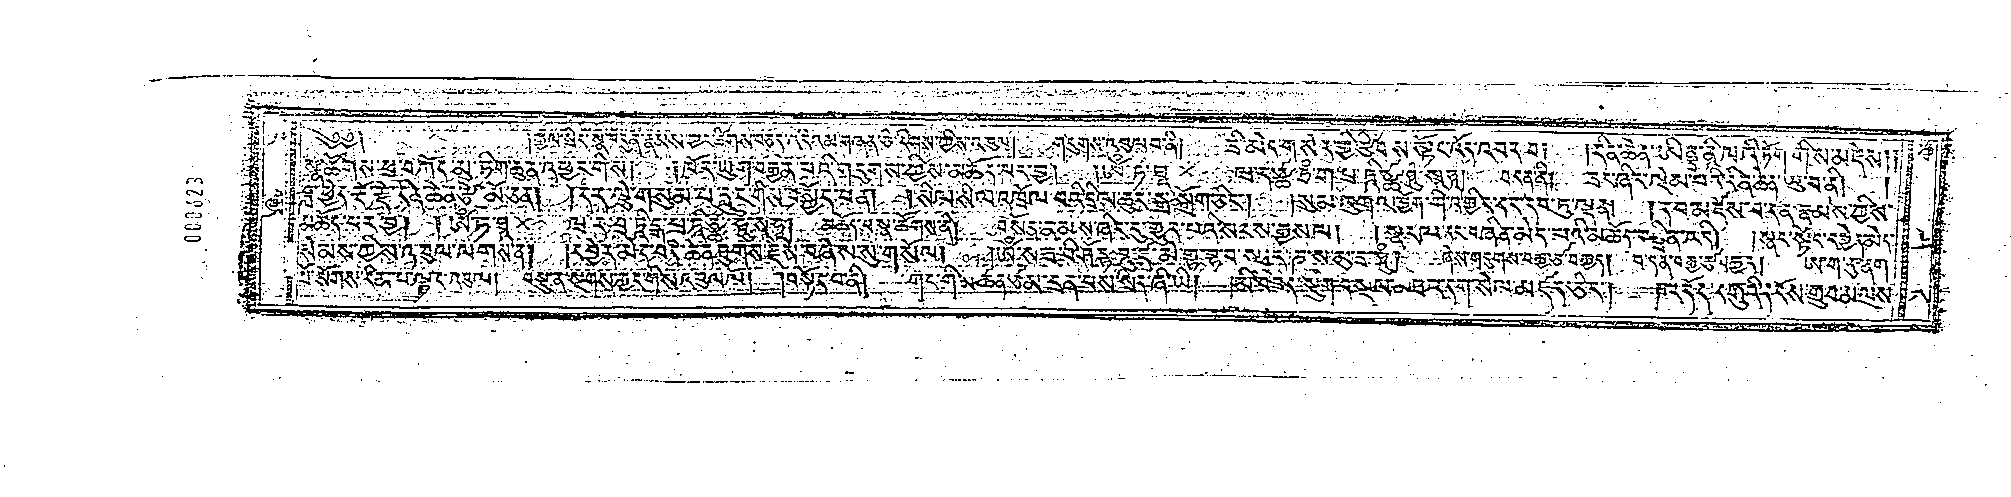༄༅། །རྒྱལ་སྲིད་སྣ་བདུན་རྣམས་ཀྱང་ཚིགས་བཅད་འདིའམ་གཞན་ཅི་རིགས་ཀྱིས་འབུལ། གདུགས་འབུལ་བ་ནི། དྲི་མེད་གསེར་གྱི་རྩིབས་སྟོང་འོད་འབར་བ། །རིན་ཆེན་ཨིནྡྲ་ནཱི་ལའི་ཏོག་གིས་མཛེས།།
སྣ་ཚོགས་ཕྲ་བཀོད་མུ་ཏིག་ཆུན་འཕྱང་གིས། །ཁོར་ཡུག་བརྒྱན་པའི་གདུགས་ཀྱིས་མཆོད་པར་བྱ། །ཨོཾ་ཏ་ཐཱ་྾་ཝ་ར་ཙྪ་ཏྲཾ་ག་པྲ་ཏཱིཙྪ་ཐཱུཾ་སྭཱཧཱ། བ་དན་ནི། དྲང་ཞིང་ལྡེམ་པའི་རིན་ཆེན་ཡུ་བ་ནི། །
བླ་ཕྱེད་རྡོ་རྗེ་རིན་ཆེན་རྩེ་མོ་ཅན། །དར་ལྕེ་གསུམ་པ་རླུང་གིས་བསྐྱོད་པ་ན། །སིལ་སིལ་འཁྲོལ་བའི་དྲིལ་ཆུང་སྒྲ་སྒྲོག་ཅིང་། །སུམ་ཁུག་འཁྱོག་གི་འགྱིད་དང་རབ་ཏུ་ལྡན། །རབ་མཛེས་པ་ངན་རྣམས་ཀྱིས་
མཆོད་པར་བྱ། །ཨོཾ་ཏ་ཐཱ་྾་ཝ་ར་བྲ་ཏཱིངྒ་པྲ་ཏཱིཙྪ་ཧཱུཾ་སྭཱཧཱ། མཆོད་པ་སྣ་ཚོགས་ནི། བསོད་ནམས་ཞིང་དུ་གྱུར་པའི་སངས་རྒྱས་ལ། །སྣང་ལ་རང་བཞིན་མེད་པའི་མཆོད་སྤྲིན་འདི། །སྣང་སྟོང་དབྱེར་མེད་
སེམས་ཀྱིས་འབུལ་ལགས་ན། །དབྱེར་མེད་བདེ་ཆེན་ཐུགས་རྗེས་བཞེས་སུ་གསོལ། །ཨོཾ་སརྦ་བི་ཤོདྷ་བཱུ་ཛ་མེ་གྷ་བྷ་བ་སྥ་ར་ཎ་ས་མུ་དྲ་ཧཱུཾ། ཞེས་གདུགས་བརྒྱ་རྩ་བརྒྱད། བ་དན་བརྒྱ་རྩ་བརྒྱད། ཨ་ག་རུ་ནག་
པོ་སོགས་རིམ་པ་ལྟར་འབུལ། བསྡུ་ན་སྔགས་རྐྱང་གིས་འབུལ་ལོ། །བསྟོད་པ་ནི། གང་གི་མཚན་ཙམ་དྲན་པས་སྲིད་ཞི་ཡི། །མི་བཟད་སྡུག་བསྔལ་མཐའ་དག་སེལ་མཛད་ཅིང་། །འདོད་དགུའི་དངོས་གྲུབ་མ་ལུས་